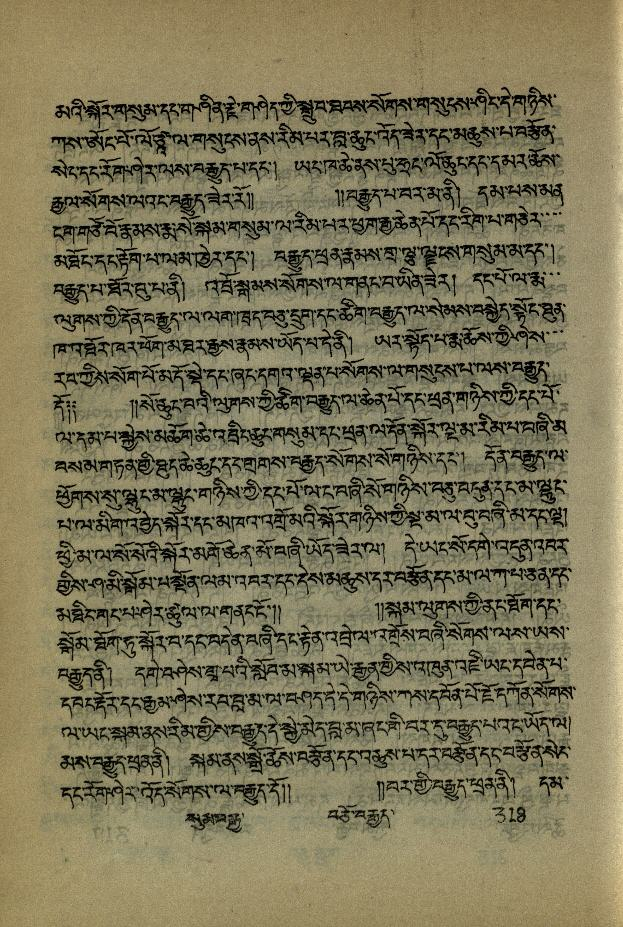མའི་སྐོར་གསུམ་དང་གཤིན་རྗེ་གཤེད་ཀྱི་སྒྲུབ་ཐབས་སོགས་གསུངས་ཤིང་དེ་གཉིས་
ཀས་ཨོང་པོ་ལོ་ཙཱ་ལ་གསུངས་ནས་རིམ་པར་བླ་ཆུང་འོད་ཟེར་དང་མཆུས་པ་བརྩོན་
སེང་དང་རོག་ཤེར་ལས་བརྒྱུད་པ་དང་། ཡང་ཁ་ཆེ་ནས་པུ་ཧྲང་ལོ་ཆུང་དང་དམར་ཆོས་
རྒྱལ་སོགས་ལའང་བརྒྱུད་ཟེར་རོ།། །།བརྒྱུད་པ་བར་མ་ནི། དམ་པས་མན་
ངག་གཙོ་བོ་རྣམས་རྨ་སོ་སྐམ་གསུམ་ལ་རིམ་པར་ཕྱག་རྒྱ་ཆེན་པོ་དང་རིག་པ་གཅེར་
མཐོང་དང་རྟོག་པ་ལམ་ཁྱེར་དང་། བརྒྱུད་ཕྲན་རྣམས་གྲ་ལྕ་ལྗངས་གསུམ་མ་དང་།
བརྒྱུད་པ་ཐོར་བུ་པ་ནི། འབྲོ་སྒམས་སོགས་ལ་གནང་བ་ཡིན་ཟེར། དང་པོ་ལ་རྨ་
ལུགས་ཀྱི་དོན་བརྒྱུད་ལ་ལག་ཁྲད་བཅུ་དྲུག་དང་ཚིག་བརྒྱུད་ལ་སེམས་བསྐྱེད་སྟོང་ཐུན་
ཁ་འཐོར་ཁར་ཕོག་མཐར་རྒྱས་རྣམས་ཡོད་པ་དེ་ནི། ཡར་སྟོད་པ་རྨ་ཆོས་ཀྱི་ཤེས་
རབ་ཀྱིས་སོག་པོ་མདོ་སྡེ་དང་ཞང་དགའ་ལྡན་པ་སོགས་ལ་གསུངས་པ་ལས་བརྒྱུད་
དོ༑༑ །།སོ་ཆུང་བའི་ལུགས་ཀྱི་ཚིག་བརྒྱུད་ལ་ཆེན་པོ་དང་ཕྲན་གཉིས་ཀྱི་དང་པོ་
ལ་དམ་པ་སྐྱེས་མཆོག་ཆེ་འབྲིང་ཆུང་གསུམ་དང་ཕྲན་ལ་དོན་སྐོར་ལྔ་མ་རིམ་པ་བཞི་མ་
བསམ་གཏན་གྱི་ཐུད་ཆེ་ཆུང་དང་གྲགས་བརྒྱད་སོགས་སོ་གཉིས་དང་། དོན་བརྒྱུད་ལ་
ཕྱོགས་སུ་ལྷུང་མ་ལྷུང་གཉིས་ཀྱི་དང་པོ་ལ་ང་བཞི་སོ་གཉིས་བཅུ་བདུན་དང་མ་ལྷུང་
པ་ལ་མིག་འབྱེད་སྐོར་དང་མཁའ་འགྲོ་མའི་སྐོར་གཉིས་ཀྱི་སྔ་མ་ལ་བུ་བཞི་མ་དང་ལྔ།
ཕྱི་མ་ལ་སོ་སོའི་སྐོར་མགོ་ཆེན་མོ་བཞི་ཡོད་ཟེར་ལ། དེ་ཡང་སོ་དགེ་འདུན་འབར་
གྱིས་ཤ་མི་སྒོམ་པ་སྔོན་ལམ་འབར་དང་དེས་མཆུས་དར་བརྩོན་དང་མ་ལ་ཀ་པ་ཅན་དང་
མཐིང་གང་པ་ཤེར་ཚུལ་ལ་གནང་ངོ།། །།སྐམ་ལུགས་ཀྱི་ནང་ཐོག་དང་
སྒོམ་ཐོག་ཏུ་སྐོར་བ་དང་བདེན་བཞི་དང་རྟེན་འབྲེལ་འགྲོས་བཞི་སོགས་ལས་ཡས་
བརྒྱུད་ནི། དགེ་བཤེས་གྲྭ་པའི་སློབ་མ་སྐམ་ཡེ་རྒྱན་གྱིས་འཁུན་འཇི་ཡང་དབེན་པ་
དབང་རྡོར་དང་རྒྱམ་ཤེས་རབ་བླ་མ་ལ་བཤད་དེ་དེ་གཉིས་ཀས་དབོན་པོ་ཇོ་དཀོན་སོགས་
ལ་ཡང་སྐམ་ནས་རིམ་གྱིས་བརྒྱུད་དེ་སྐྱེ་མེད་བླ་མ་ཞང་གི་བར་དུ་བརྒྱུད་པའང་ཡོད་ལ།
མས་བརྒྱུད་ཕྲན་ནི། སྐམ་ནས་སྒྲོ་ཆོས་བརྩོན་དང་འཆུས་པ་དར་བརྩོན་དང་བརྩོན་སེང་
དང་རོག་ཤེར་འོད་སོགས་ལ་བརྒྱུད་དོ།། །།བར་གྱི་བརྒྱུད་ཕྲན་ནི། དམ་